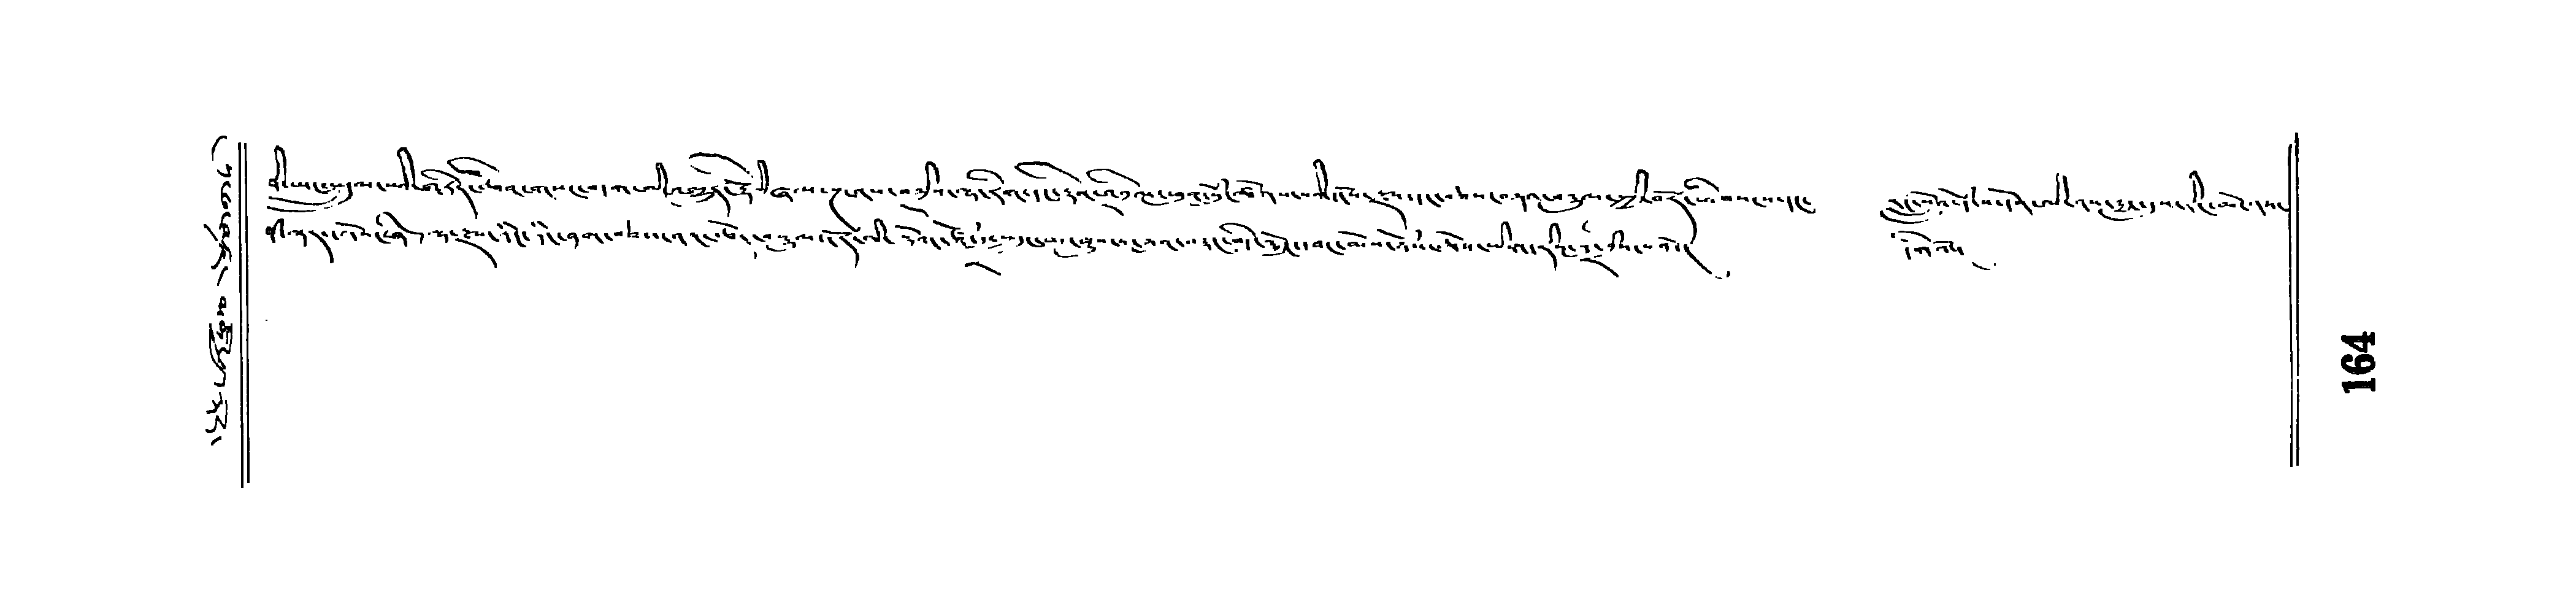འདི་ཡང་སྤྲུལ་པའི་གཏེར་ཆེན་གསང་བདག་མི་འགྱུར་རྡོ་རྗེའི་ཞལ་སྔ་ནས་བཀྲ་ཤིས་ལྷ་རེག་དང་རྟེན་འབྲེལ་ཕུན་སུམ་ཚོགས་པའི་དངོས་རྫས་དང་བཅས་བཀའ་བསྐུལ་སྤྱི་བོར་ཕེབས་པ་དང༔ རང་སློབ་དམ་པ་དོན་ལི་ནས་ཀྱང་དུས་རིང་མོ་ནས་
འདི་ལྟར་དགོས་ཞེས་ལྷ་རྫས་ཏིང་ཏིང་ཤག་བཅས་ནན་ཆེར་བསྐུལ་ངོ་མ་ལྡོག་ཙམ་དུ་སྤྲང་མ་ནུས་པ་ཀུན་བཟང་བདེ་སྐྱོང་དབང་མོས་ཉམས་ཆོས་ཡིག་རིས་སུ་བྲིས་པའོ།། དགེའོ།།